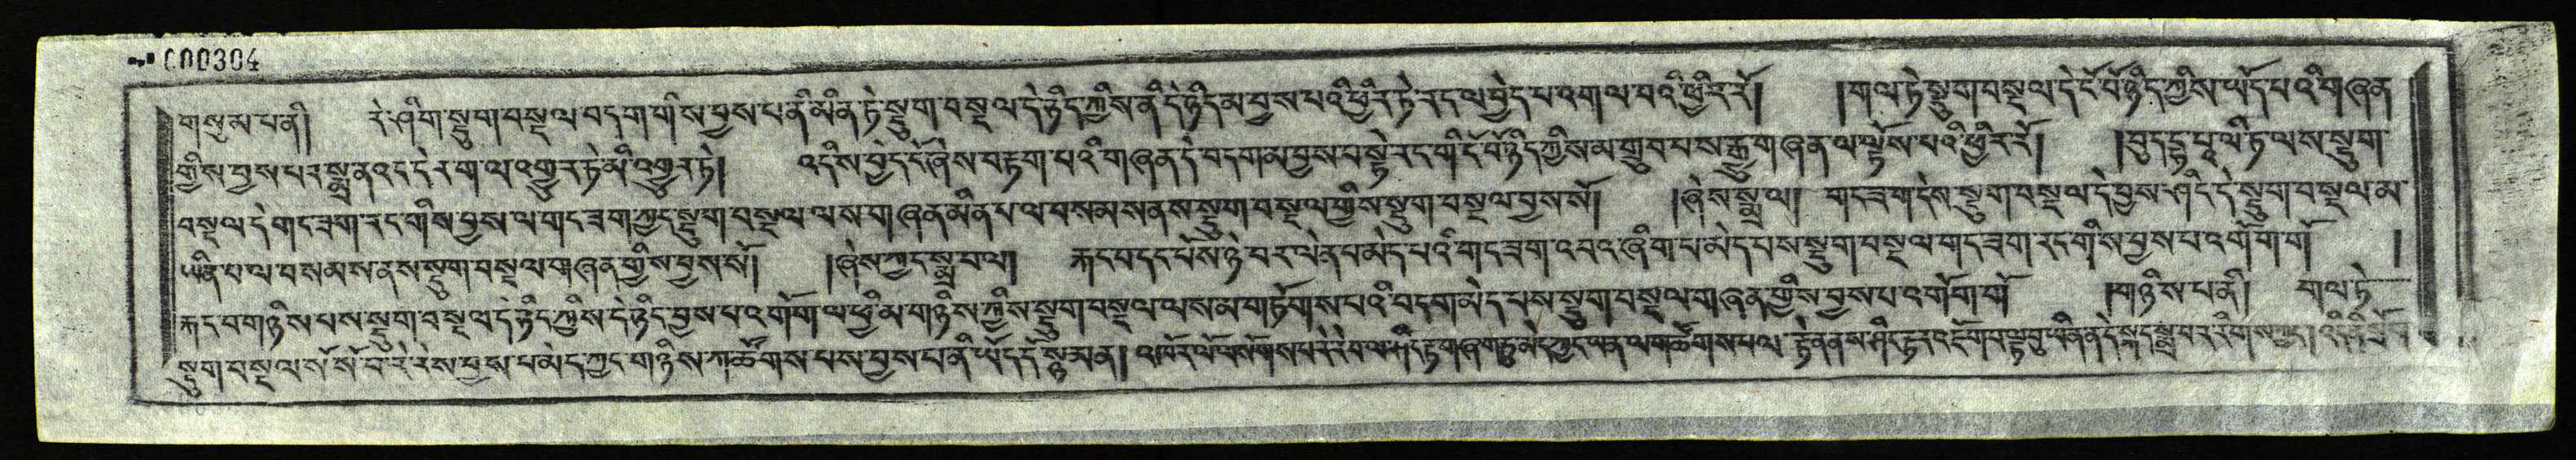གསུམ་པ་ནི། རེ་ཤིག་སྡུག་བསྔལ་བདག་གིས་བྱས་པ་ནི་མིན་ཏེ་སྡུག་བསྔལ་དེ་ཉིད་ཀྱིས་ནི་དེ་ཉིད་མ་བྱས་པའི་ཕྱིར་ཏེ་རང་ལ་བྱེད་པ་འགལ་བའི་ཕྱིར་རོ། །གལ་ཏེ་སྡུག་བསྔལ་དེ་ངོ་བོ་ཉིད་ཀྱིས་ཡོད་པའི་གཞན་
གྱིས་བྱས་པར་སྨྲ་ནའང་དེར་ག་ལ་འགྱུར་ཏེ་མི་འགྱུར་ཏེ། འདིས་བྱེད་ངོ་ཞེས་བརྟག་པའི་གཞན་དེ་བདག་མ་བྱས་པ་སྟེ་རང་གི་ངོ་བོ་ཉིད་ཀྱིས་མ་གྲུབ་པས་རྒྱུ་གཞན་ལ་ལྟོས་པའི་ཕྱིར་རོ། །བུད་དྷ་པཱ་ལི་ཏ་ལས་སྡུག་
བསྔལ་དེ་གང་ཟག་རང་གིས་བྱས་ལ་གང་ཟག་ཀྱང་སྡུག་བསྔལ་ལས་གཞན་མིན་པ་ལ་བསམས་ནས་སྡུག་བསྔལ་གྱིས་སྡུག་བསྔལ་བྱས་སོ། །ཞེས་སྨྲ་ལ། གང་ཟག་དེས་སྡུག་བསྔལ་དེ་བྱས་ཤིང་དེ་སྡུག་བསྔལ་མ་
ཡིན་པ་ལ་བསམས་ནས་སྡུག་བསྔལ་གཞན་གྱིས་བྱས་སོ། །ཞེས་ཀྱང་སྨྲ་བ་ལ། རྐང་པ་དང་པོས་ཉེ་བར་ལེན་པ་མེད་པའི་གང་ཟག་འབའ་ཞིག་པ་མེད་པས་སྡུག་བསྔལ་གང་ཟག་རང་གིས་བྱས་པ་འགོག་གོ །
རྐང་པ་གཉིས་པས་སྡུག་བསྔལ་དེ་ཉིད་ཀྱིས་དེ་ཉིད་བྱས་པ་འགོག་ལ་ཕྱི་མ་གཉིས་ཀྱིས་སྡུག་བསྔལ་ལས་མ་གཏོགས་པའི་བདག་མེད་པས་སྡུག་བསྔལ་གཞན་གྱིས་བྱས་པ་འགོག་གོ །གཉིས་པ་ནི། གལ་ཏེ་
སྡུག་བསྔལ་སོ་སོ་བ་རེ་རེས་བྱས་པ་མེད་ཀྱང་གཉིས་ཀ་ཚོགས་པས་བྱས་པ་ནི་ཡོད་དོ་སྙམ་ན། འཁོར་ལོ་ལ་སོགས་པ་རེ་རེ་བ་ལ་ཤིང་རྟ་གཞག་ཏུ་མེད་ཀྱང་ཡན་ལག་ཚོགས་པ་ལ་རྟེན་ནས་ཤིང་རྟར་འཇོག་པ་ལྟ་བུ་ཡིན་ན་དེ་སྐད་སྨྲ་བར་རིགས་ཀྱང་། འདི་ནི་སྲོག་